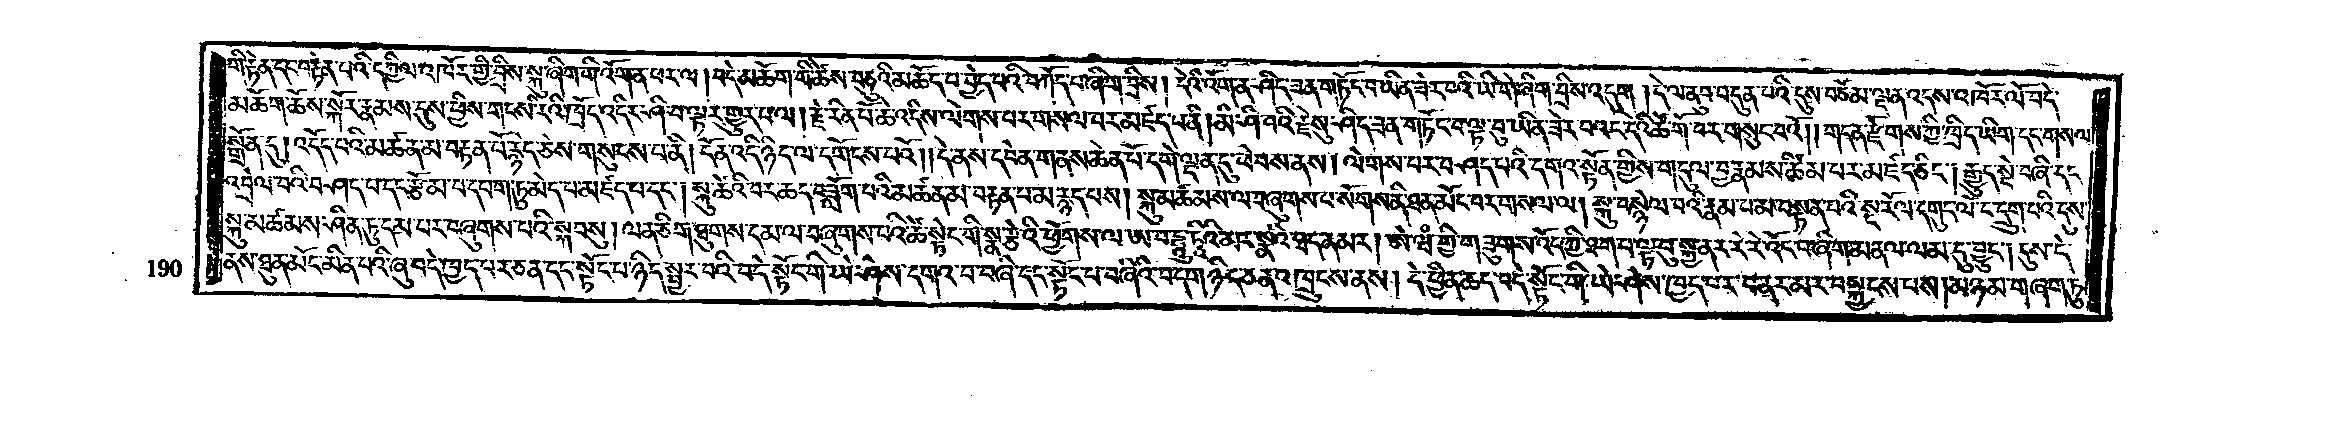གི་རྟེན་དང་བརྟེན་པའི་དཀྱིལ་འཁོར་གྱི་བྲིས་སྐུ་ཞིག་གི་འོག་ན་ཕར་ལ། བདེ་མཆོག་གི་ཚེས་བཅུའི་མཆོད་པ་བྱེད་པའི་བཀོད་པ་ཞིག་བྲིས། དེའི་འོག་ན་ཤིད་ཟན་གཏོང་བ་ཡིན་ཟེར་བའི་ཡི་གེ་ཞིག་བྲིས་འདུག །དེ་ལ་ནུབ་བདུན་པའི་དུས་བཅོམ་ལྡན་འདས་འཁོར་ལོ་བདེ་
མཆོག་ཆོས་སྐོར་རྣམས་དུས་ཕྱིས་གངས་རིའི་ཁྲོད་འདིར་ཤི་བ་ལྟར་གྱུར་པ་ལ། རྗེ་རིན་པོ་ཆེ་འདིས་ལེགས་པར་གསལ་བར་མཛད་པ་ནི། མི་ཤི་བའི་རྗེས་སུ་ཤིད་ཟན་གཏོང་བ་ལྟ་བུ་ཡིན་ཟེར་བའང་དེའི་ཚེ་གོ་བར་གསུང་བའོ། །གདན་རྫོགས་ཀྱི་ཁྲིད་ཡིག་དང་གསལ་
སྒྲོན་དུ། འདོད་པའི་མཚན་མ་བརྟན་པོ་རྙེད་ཅེས་གསུངས་པ་ནི། དོན་འདི་ཉིད་ལ་དགོངས་པའོ། །དེ་ནས་དབེན་གནས་ཆེན་པོ་དགེ་ལྡན་དུ་ཕེབས་ནས། ལེགས་པར་བཤད་པའི་དགའ་སྟོན་གྱིས་གདུལ་བྱ་རྣམས་ཚིམ་པར་མཛད་ཅིང་། རྒྱུད་སྡེ་བཞི་དང་
འབྲེལ་བའི་བཤད་པ་དང་རྩོམ་པ་དཔག་ཏུ་མེད་པ་མཛད་པ་དང་། སྐུ་ཚེའི་བར་ཆད་བཟློག་པའི་མཚན་མ་བརྟན་པ་མ་རྙེད་པས། སྐུ་མཚམས་ལ་བཞུགས་པ་སོགས་ནི་ཐུན་མོང་བར་གསལ་ལ། སྐུ་བསྙེལ་བའི་རྣམ་པ་མ་བསྟན་པའི་སྔ་རོལ་དགུང་ལོ་ང་དྲུག་པའི་དུས་
སྐུ་མཚམས་ཤིན་ཏུ་དམ་པར་བཞུགས་པའི་སྐབས་སུ། ལན་ཅིག་ཐུགས་དམ་ལ་བཞུགས་པའི་ཚེ་སྟེང་གི་སྣ་རྩེའི་ཕྱོགས་ལ་ཨ་བ་དྷཱུ་ཏཱིའི་མར་སྣའི་ཐད་ན་མར། ཨེ་ཝཾ་གྱི་གཟུགས་འོད་ཀྱི་ཐག་པ་ལྟ་བུ་སྐྱ་ནར་རེ་རེ་འོང་བ་ཞིག་མནལ་ལམ་དུ་བྱུང་། དུས་དེ་
ནས་ཐུན་མོང་མིན་པའི་ཞུ་བདེ་ཁྱད་པར་ཅན་དང་སྟོང་པ་ཉིད་སྦྱར་བའི་བདེ་སྟོང་གི་ཡེ་ཤེས་དགའ་བ་བཞི་དང་སྟོང་པ་བཞིའི་བདག་ཉིད་ཅན་འཁྲུངས་ནས། དེ་ཕྱིན་ཆད་བདེ་སྟོང་གི་ཡེ་ཤེས་ཁྱད་པར་བ་ནར་མར་བསྐྱངས་པས། མཉམ་གཞག་ཏུ་